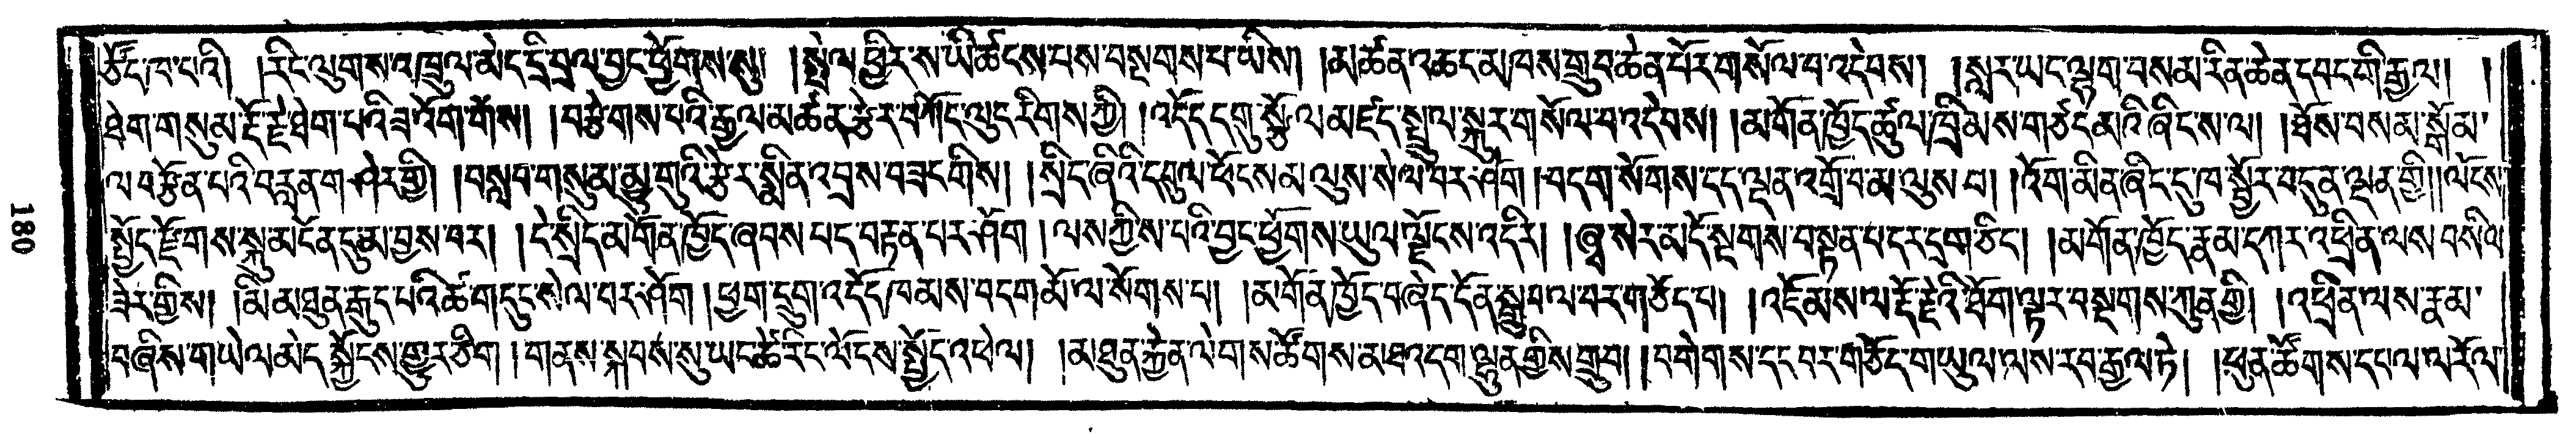ཙོང་ཁ་པའི། །རིང་ལུགས་འཁྲུལ་མེད་དྲི་བྲལ་བྱང་ཕྱོགས་སུ། །སྤེལ་ཕྱིར་ས་ཡི་ཚངས་པས་བསྔགས་པ་ཡིས། ། མཚན་འཆང་མཁས་གྲུབ་ཆེན་པོར་གསོལ་བ་འདེབས། །སླར་ཡང་ལྷག་བསམ་རིན་ཆེན་དབང་གི་རྒྱལ། །
ཐེག་གསུམ་རྡོ་རྗེ་ཐེག་པའི་ཟ་འོག་གོས། །བརྩེགས་པའི་རྒྱལ་མཚན་རྩེར་བཀོད་ལུང་རིགས་ཀྱི། །འདོད་དགུ་སྩོལ་མཛད་སྤྲུལ་སྐུར་གསོལ་བ་འདེབས། །མགོན་ཁྱོད་ཚུལ་ཁྲིམས་གཙང་མའི་ཞིང་ས་ལ། །ཐོས་བསམ་སྒོམ་
ལ་བརྩོན་པའི་བརླན་གཤེར་གྱི། །བསླབ་གསུམ་མྱུ་གུའི་རྩེར་སྨིན་འབྲས་བཟང་གིས། །སྲིད་ཞིའི་དབུལ་ཕོངས་མ་ལུས་སེལ་བར་ཤོག །བདག་སོགས་དད་ལྡན་འགྲོ་བ་མ་ལུས་བ། །འོག་མིན་ཞིང་དུ་ཁ་སྦྱོར་བདུན་ལྡན་གྱི། །ལོངས་
སྤྱོད་རྫོགས་སྐུ་མངོན་དུ་མ་བྱས་བར། །དེ་སྲིད་མགོན་ཁྱོད་ཞབས་པད་བརྟན་པར་ཤོག །ལས་ཀྱི་ས་པའི་བྱང་ཕྱོགས་ཡུལ་ལྗོངས་འདིར། །ཞྭ་སེར་མདོ་སྔགས་བསྟན་པ་དར་དྲག་ཅིང་། །མགོན་ཁྱོད་རྣམ་དཀར་འཕྲིན་ལས་བསིལ་
ཟེར་གྱིས། །མི་མཐུན་རྒུད་པའི་ཚ་གདུང་སེལ་བར་ཤོག །ཕྱག་དྲུག་འདོད་ཁམས་བདག་མོ་ལ་སོགས་པ། །མགོན་ཁྱོད་བཞེད་དོན་སྒྲུབ་ལ་བར་གཅོད་པ། །འཇོམས་ལ་རྡོ་རྗེའི་ཐོག་ལྟར་བསྔགས་ཀུན་གྱི། །འཕྲིན་ལས་རྣམ་
བཞིས་གཡེལ་མེད་སྐྱོང་གྱུར་ཅིག །གནས་སྐབས་སུ་ཡང་ཚེ་རིང་ལོངས་སྤྱོད་འཕེལ། །མཐུན་རྐྱེན་ལེགས་ཚོགས་མཐའ་དག་ལྷུན་གྱིས་གྲུབ། །བགེགས་དང་བར་གཅོད་གཡུལ་ལས་རབ་རྒྱལ་ཏེ། །ཕུན་ཚོགས་དཔལ་ལ་རོལ་